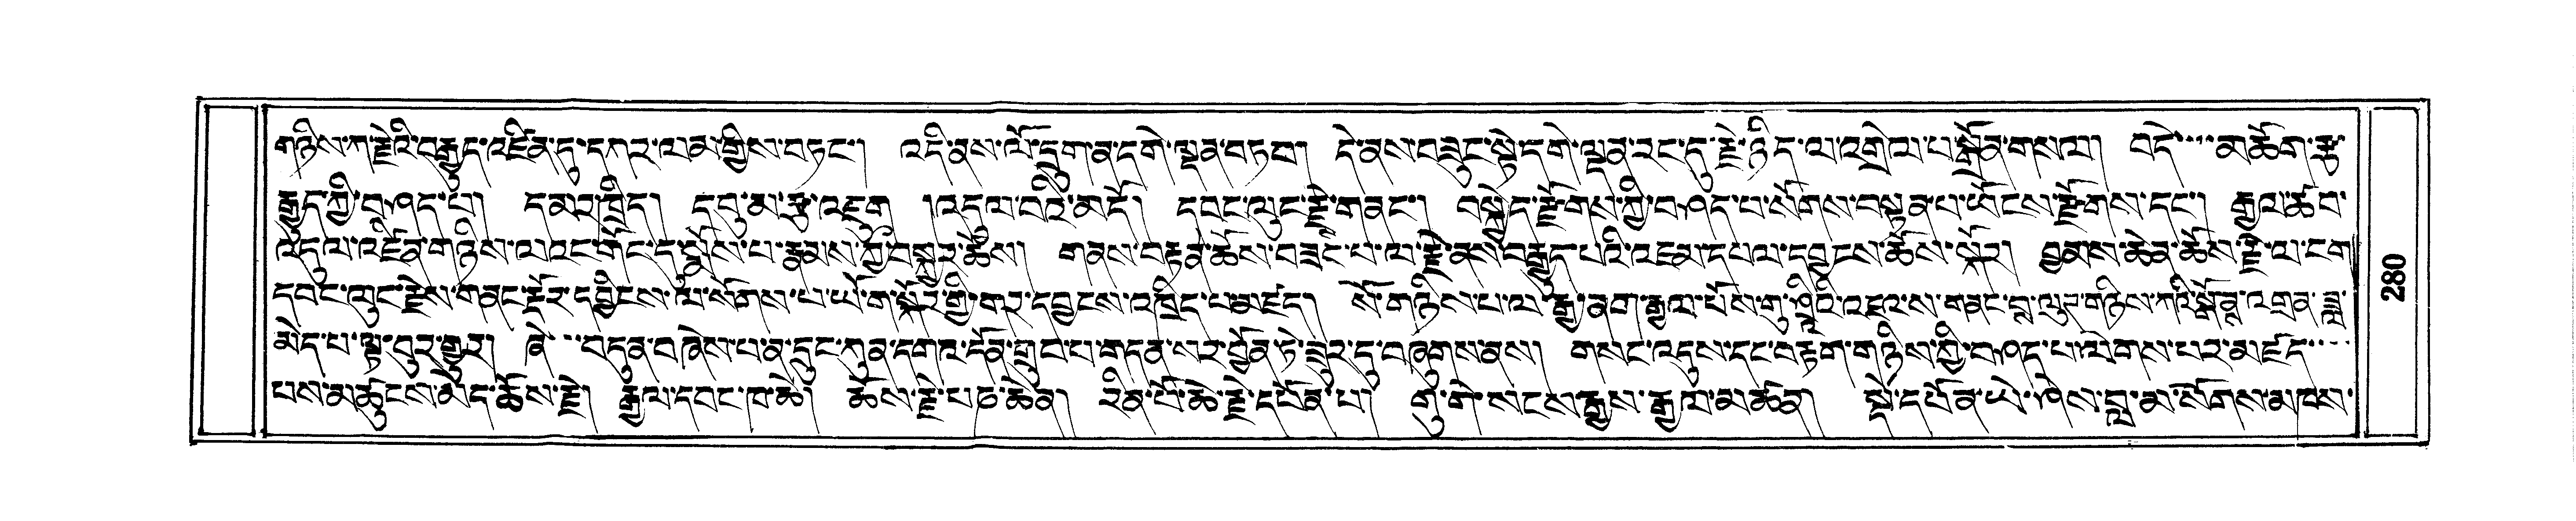གཉིས་ཀ་རྗེའི་བརྒྱུད་འཛིན་དུ་དཀར་ལམ་གྱིས་བཏང་། འདི་ནས་ལོ་དྲུག་ན་དགེ་ལྡན་བཏབ། དེ་ནས་བཟུང་སྟེ་དགེ་ལྡན་རང་དུ་རྗེ་ཉིད་ལ་འགྲེལ་བ་སྒྲོན་གསལ། བདེ་མཆོག་རྩ་
རྒྱུད་ཀྱི་བཤད་པ། དམར་ཁྲིད། དབུ་མ་རྩ་འཇུག། འདུལ་པའི་མདོ། དབང་ལུང་རྗེ་གནང་། བསྐྱེད་རྫོགས་ཀྱི་བཤད་པ་སོགས་བསྟན་པ་ཡོངས་རྫོགས་དང་། རྒྱལ་ཚབ་
འདུལ་འཛིན་གཉིས་ལའང་གོང་དུ་སྨོས་པ་རྣམས་ཀྱྀ་བསྐྱར་ཆོས། གནས་བརྟན་ཆོས་བཟང་པ་ལ་རྗེ་ནས་བརྒྱུད་པའི་འཇམ་དཔལ་དབྱངས་ཆོས་སྐོར། བྱམས་ཆེན་ཆོས་རྗེ་ལ་ངག་
དབང་ལུང་རྗེ་གནང་རྡོར་དབྱིངས་ལ་སོགས་པ་ཡོ་ག་སྐོར་གྱི་གར་དབྱངས་འཁྲིད་པ་མཛད། སོ་གཉིས་པ་ལ་རྒྱ་ནག་རྒྱལ་པོས་གུ་ཤྲཱིའི་འཇའ་ས་གནང་བས་ལུཌ་གཉིས་ཀའི་སྒོ་ནའ་འགྲན་ཟླ་
མེད་པ་ལྟ་བུར་གྱུར། ཞེ་བདུན་བཞེས་པ་ན་དྲུང་ཀུན་དགའ་དོན་གྲུབ་པ་གདན་སར་བྱོན་ཏེ་ཟུར་དུ་བཞུགས་ནས། གསང་འདུས་དང་བརྟག་གཉིས་ཀྱི་བཤད་པ་ལེགས་པར་མཛད་
པས་མཚུངས་མེད་ཆོས་རྗེ། རྒྱལ་དབང་ཁ་ཆེ། ཆོས་རྗེ་པཎ་ཆེན། རིན་པོ་ཆེ་རྗེ་དཔོན་པ། གུ་གེ་སངས་རྒྱས་རྒྱལ་མཚན། སྡེ་དཔོན་ཡེ་ཤེས་བླ་མ་སོགས་མཁས་